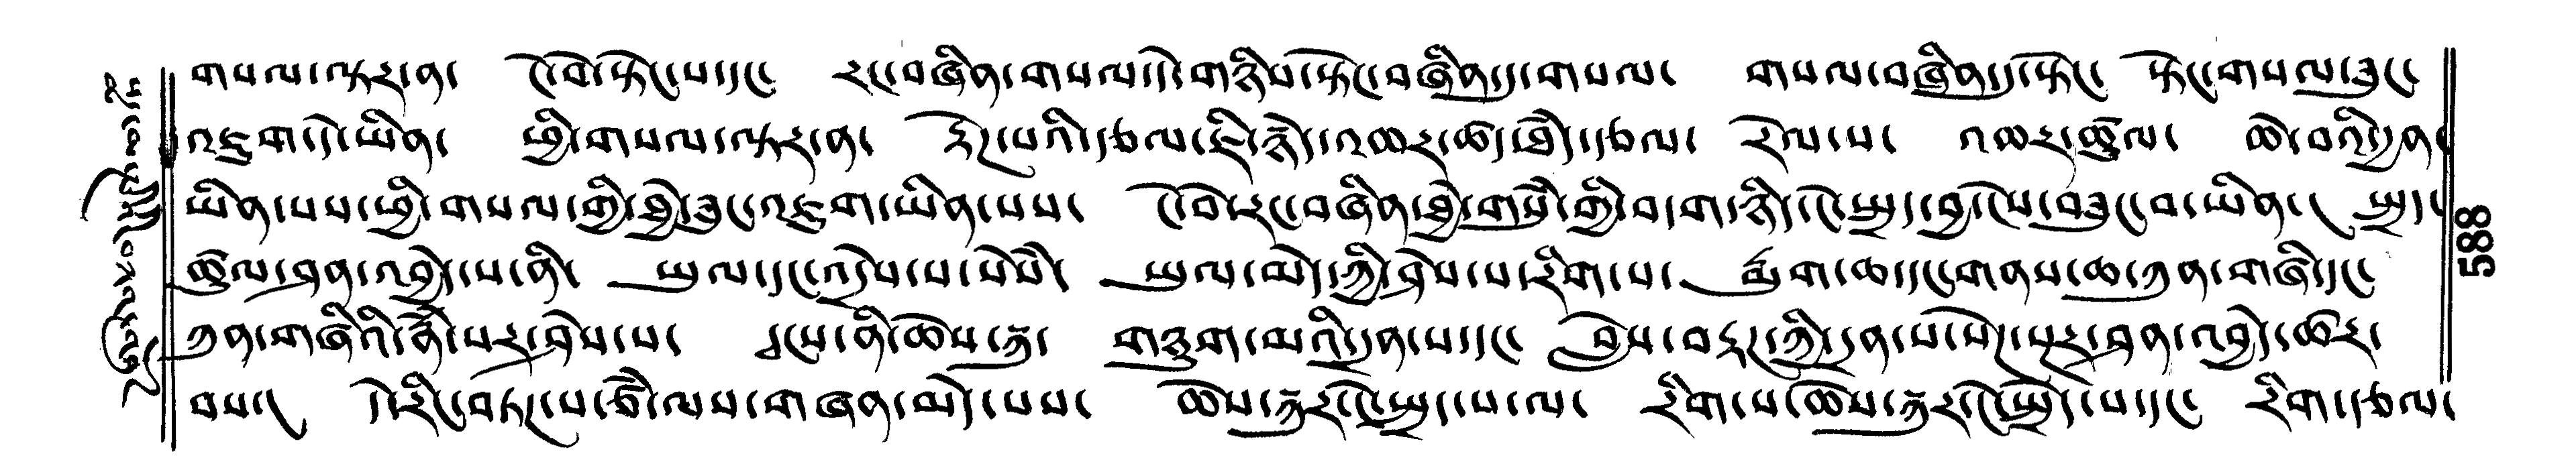གསལ་ལྟར་ན། ངོ་བོ་སྟོང་པ་དང་། རང་བཞིན་གསལ་བ། དེ་གཉིས་སྟོང་བཞིན་དུ་གསལ། གསལ་བཞིན་དུ་སྟོང་། སྟོང་གསལ་ཟུང་
འཇུག་དེ་ཡིན། ཕྱི་གསལ་ལྟར་ན། རྟོགས་པའི་རྩལ་ཇི་སྙེད་འཆར་ཚད་ཐམས་ཅད་རྩལ། རོལ་པ། འཆར་ཚུལ། ཆེ་བའི་རྒྱན་
ཡིན་པས་ཕྱི་གསལ་གྱི་ཐུགས་རྗེ་ཟུང་འཇུག་ཡིན་པས། ངོ་བོ་རང་བཞིན་ཐུགས་རྗེ་གསུམ་གྱི་བདག་ཉིད་ངོ་སྤྲད་བྱ་ངོས་བཟུང་བ་ཡིན། སྤྲད་
ཚུལ་ཤན་འབྱེད་པ་ནི། ཡུལ་དང་འདྲེས་པ་སེམས། ཡུལ་མེད་ཀྱི་ཤེས་པ་རིག་པ། རྨུགས་ཆ་དང་གནས་ཆ་ཀུན་གཞི་དང་། 
ཀུན་གཞིའི་རྣམ་པར་ཤེས་པ། དྭངས་ནི་ཆོས་སྐུ། གཉུག་མའི་དྲན་པ་དང་། བློས་བརྟགས་ཀྱི་དྲན་པ་སོགས་སྔར་ཤན་འབྱེད་ཚར་
བས། དེ་རིང་བཏགས་པ་ཙམ་ལས་གཞན་མེད་པས། ཆོས་སྐུར་ངོ་སྤྲོད་པ་ལ། རིག་པ་ཆོས་སྐུར་ངོ་སྤྲོད་པ་དང་། རིག་རྩལ་